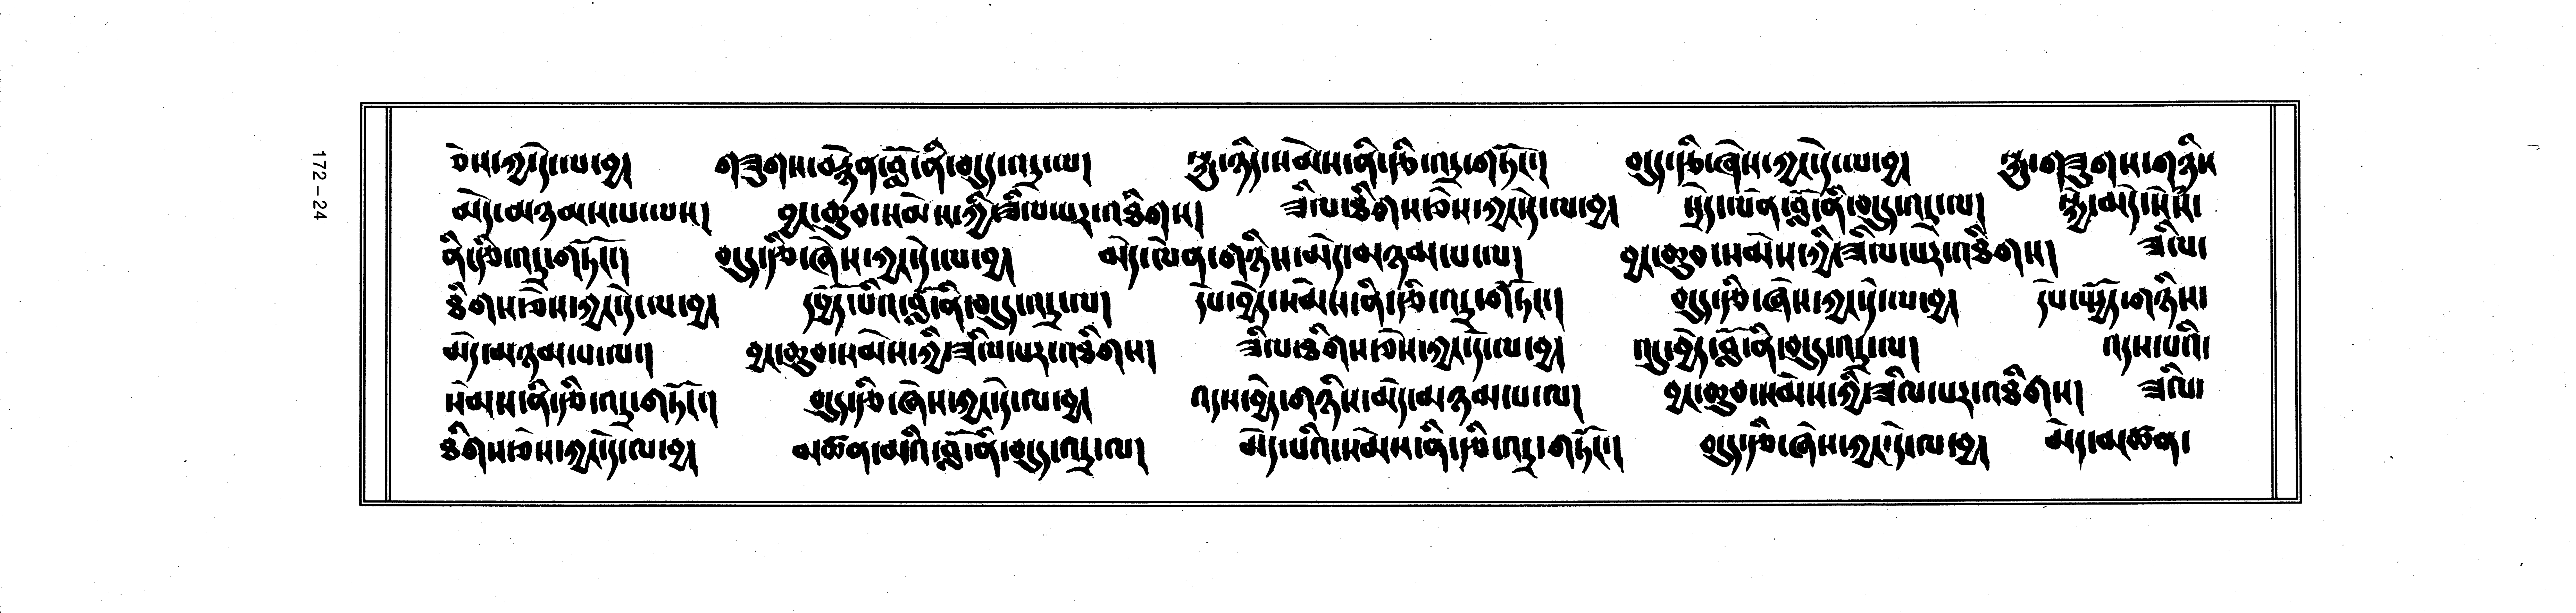ཅེས་ཀྱང་དེ་ལ་བྱ། གཟུགས་བརྙེན་བློ་ནི་བདུད་འདྲ་ལ། སྐུ་ཉིད་སེམས་ནི་རྩི་འདྲ་གཏོང་། བདུད་རྩི་ཞེས་ཀྱང་དེ་ལ་བྱ། སྐུ་གཟུགས་གཉིས་
མེད་མཉམ་པ་ལས། བྱང་ཆུབ་སེམས་ཀྱི་ཟིལ་པར་འཐིགས། ཟིལ་ཐིགས་ཅེས་ཀྱང་དེ་ལ་བྱ། སྲེད་ལེན་བློ་ནི་བདུད་འདྲ་ལ། སྐྱེ་མེད་སེམས་
ནི་རྩི་འདྲ་གཏོང་། བདུད་རྩི་ཞེས་ཀྱང་དེ་ལ་བྱ། མེད་ལེན་གཉིས་མེད་མཉམས་པ་ལ། བྱང་ཆུབ་སེམས་ཀྱི་ཟིལ་པར་འཐིགས། ཟིལ་
ཐིགས་ཅེས་ཀྱང་དེ་ལ་བྱ། དཔྱོད་པའི་བློ་ནི་བདུད་འདྲ་ལ། དཔེ་བྱེད་སེམས་ནི་རྩི་འདྲ་གཏོང་། བདུད་རྩི་ཞེས་ཀྱང་དེ་ལ་བྱ། དཔེ་སྤྱོད་གཉིས་
མེད་མཉམ་པ་ལས། བྱང་ཆུབ་སེམས་ཀྱི་ཟིལ་པར་འཐིགས། ཟིལ་ཐིགས་ཅེས་ཀྱང་དེ་ལ་བྱ། འདུ་བྱེད་བློ་ནི་བདུད་འདྲ་ལ། འདས་པའི་
སེམས་ནི་རྩི་འདྲ་གཏོང་། བདུད་རྩི་ཞེས་ཀྱང་དེ་ལ་བྱ། འདས་བྱེད་གཉིས་མེད་མཉམ་པ་ལས། བྱང་ཆུབ་སེམས་ཀྱི་ཟིལ་པར་འཐིགས། ཟིལ་
ཐིགས་ཅེས་ཀྱང་དེ་ལ་བྱ། མཚན་མའི་བློ་ནི་བདུད་འདྲ་ལ། མེད་པའི་སེམས་ནི་རྩི་འདྲ་གཏོང་། བདུད་རྩི་ཞེས་ཀྱང་དེ་ལ་བྱ། མེད་མཚན་